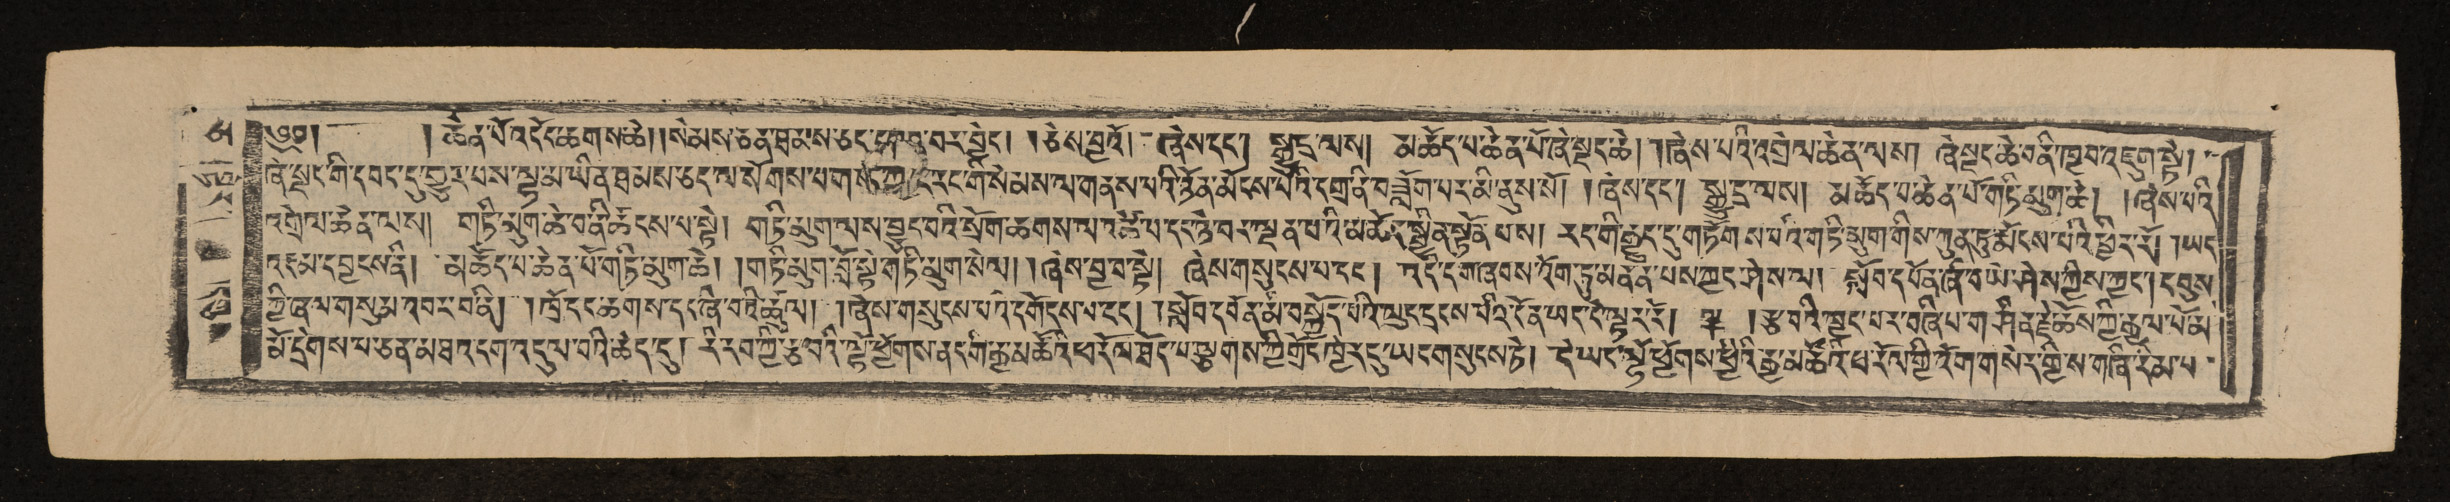༄༅། །ཆེན་པོ་འདོད་ཆགས་ཆེ། །སེམས་ཅན་ཐམས་ཅད་དགའ་བར་བྱེད། །ཅེས་བྱའོ། །ཞེས་དང་། སྒྱུ་དྲ་ལས། མཆོད་པ་ཆེན་པོ་ཞེ་སྡང་ཆེ། །ཞེས་པའི་འགྲེལ་ཆེན་ལས། ཞེ་སྡང་ཆེ་བ་ནི་ཁྱབ་འཇུག་སྟེ།
ཞེ་སྡང་གི་དབང་དུ་གྱུར་པས་ལྷ་མ་ཡིན་ཐམས་ཅད་ལ་སོགས་པ་གསོད་ཀྱང་རང་གི་སེམས་ལ་གནས་པའི་ཉོན་མོངས་པའི་དགྲ་ནི་བཟློག་པར་མི་ནུས་སོ། །ཞེས་དང་། སྒྱུ་དྲ་ལས། མཆོད་པ་ཆེན་པོ་གཏི་མུག་ཆེ། །ཞེས་པའི་
འགྲེལ་ཆེན་ལས། གཏི་མུག་ཆེ་བ་ནི་ཚངས་པ་སྟེ། གཏི་མུག་ལས་བྱུང་བའི་སྲོག་ཆགས་ལ་འཚེ་བ་དང་ཉེ་བར་ལྡན་པའི་མཆོད་སྦྱིན་སྟོན་པས། རང་གི་རྒྱུད་དུ་གཏོགས་པའི་གཏི་མུག་གིས་ཀུན་ཏུ་རྨོངས་པའི་ཕྱིར་རོ། །ཡང་
འཇམ་དབྱངས་ནི། མཆོད་པ་ཆེན་པོ་གཏི་མུག་ཆེ། །གཏི་མུག་བློ་སྟེ་གཏི་མུག་སེལ། །ཞེས་བྱ་བ་སྟེ། ཞེས་གསུངས་པ་དང་། འདི་དག་ཞབས་འོག་ཏུ་མནན་པས་ཀྱང་ཤེས་ལ། སློབ་དཔོན་ཞི་བ་ཡེ་ཤེས་ཀྱིས་ཀྱང་། དབུས་
ཀྱི་ཞལ་གསུམ་འབར་བ་ནི། །ཁྲོ་དང་ཆགས་དང་ཞི་བའི་ཚུལ། །ཞེས་གསུངས་པའི་དགོངས་པ་དང་། སློབ་དཔོན་མི་བསྐྱོད་པའི་ལུང་དྲངས་པའི་དོན་ཡང་དེ་ལྟར་རོ། ༈ །རྩ་བའི་ཁྱད་པར་བཞི་པ་གཤིན་རྗེ་ཆོས་ཀྱི་རྒྱལ་པོ་མ་
མོ་དྲེགས་པ་ཅན་མཐའ་དག་འདུལ་བའི་ཆེད་དུ། རི་རབ་ཀྱི་རྩ་བའི་ལྷོ་ཕྱོགས་ནང་གི་རྒྱ་མཚོའི་ཕ་རོལ་ཐོད་པ་ལྕགས་ཀྱི་གྲོང་ཁྱེར་དུ་ཡང་གསུངས་ཏེ། དེ་ཡང་ལྷོ་ཕྱོགས་ཕྱིའི་རྒྱ་མཚོའི་ཕ་རོལ་གྱི་འོག་གསེར་གྱིས་གཞི་རིམ་པ་